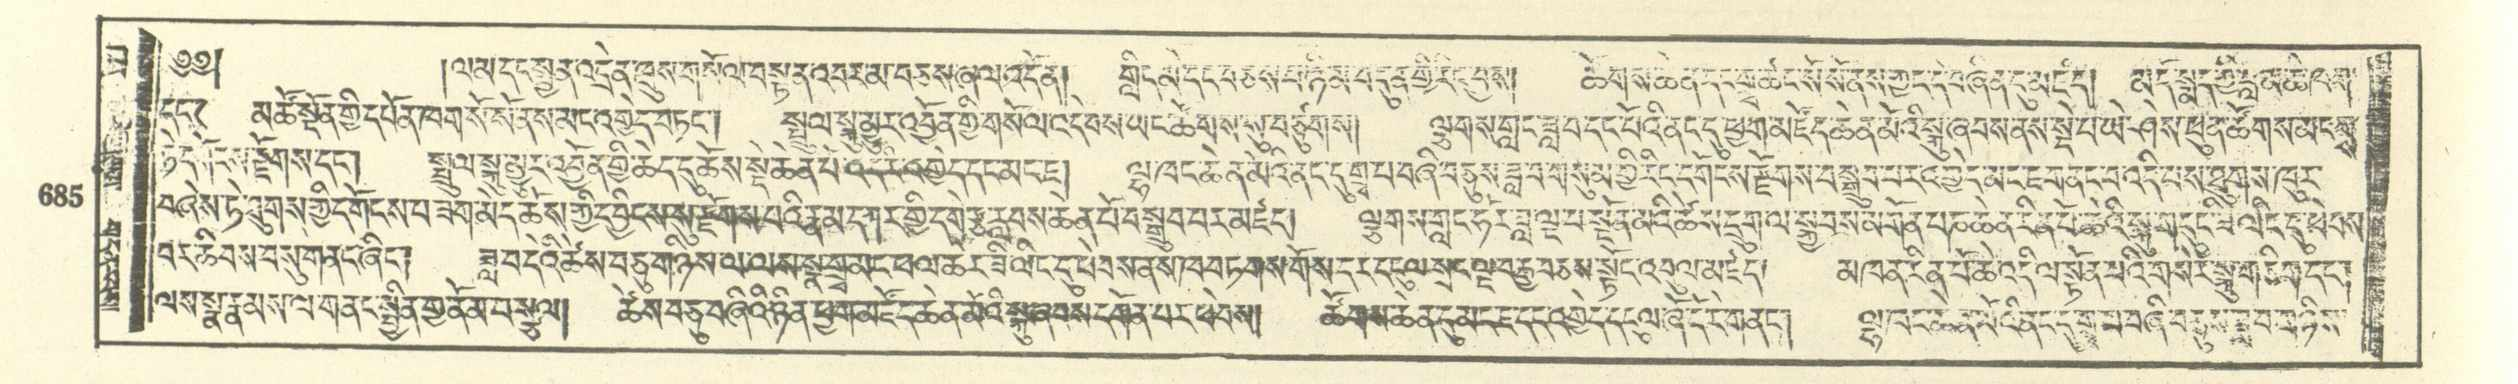༄༅། །ལམ་དང་སྤྱན་འདྲེན་ཁྲུས་གསོལ་བསྟན་འབར་མ་བཅས་ཞལ་འདོན། གླིང་མེ་དང་བཅས་པ་ཉི་མ་བདུན་གྱི་རིང་བྱས། ཚོགས་ཆེན་དང་གྲྭ་ཚང་སོ་སོ་ནས་ཀྱང་དེ་བཞིན་དུ་མཛད། མདོ་སྨད་ཀྱི་བླ་མ་ཆེ་ཁག་
དང༑ མཚོ་སྔོན་གྱི་དཔོན་ཁག་སོ་སོ་ནས་མང་འགྱེད་བཏང་། སྤྲུལ་སྐུ་མྱུར་འབྱོན་གྱི་གསོལ་འདེབས་ཡང་ཚོགས་སུ་བཙུགས། ལྕགས་གླང་ཟླ་བ་དང་པོའི་ནང་དུ་ཕྱག་མཛོད་ཆེན་མོའི་སྐུ་ཞབས་ནས་སྡེ་པ་ཡེ་ཤེས་ཕུན་ཚོགས་མངགས་
ཏེ་དགོངས་རྫོགས་དང་། སྤྲུལ་སྐུ་མྱུར་འབྱོན་གྱི་ཆེད་དུ་ཆོས་སྡེ་ཆེན་པོ་འདིར་འགྱེད་དང་མང་ཇ། ལྷ་ཁང་ཆེན་མོའི་ནང་དུ་གྲྭ་པ་བཞི་བཅུས་ཟླ་བ་གསུམ་གྱི་རིང་དགོངས་རྫོགས་བསྒྲུབ་པར་འགྱེད་མང་ཇ་གནང་བ་འདི་པས་ཐུགས་ཁུར་
བཞེས་ཏེ་ཐུགས་ཀྱི་དགོངས་པ་ཟག་མེད་ཆོས་ཀྱི་དབྱིངས་སུ་རྫོགས་པའི་རྣམ་དཀར་གྱི་དགེ་རྩ་རླབས་ཆེན་པོ་བསྒྲུབ་པར་མཛད། ལྕགས་གླང་ཧོར་ཟླ་ལྔ་པ་སྔོན་མའི་ཚེས་དྲུག་ལ་སྐྱབས་མགོན་པཎ་ཆེན་རིན་པོ་ཆེའི་སྐུ་གདུང་ཟི་ལིང་དུ་ཕེབས་
བར་ཆིབས་བསུ་གནང་ཞིང་། ཟླ་བ་དེའི་ཚེས་བཅུ་གཉིས་ལ་ལས་སྣ་གྲྭ་མང་ཕལ་ཆེར་ཟི་ལིང་དུ་ཕེབས་ནས་ཁ་བཏགས་གོས་དར་དངུལ་སྲང་ལྔ་བརྒྱ་བཅས་སྟོང་འབུལ་མཛད། མཁན་རིན་པོ་ཆེ་འདི་ལ་སྟོན་པའི་གསེར་སྐུ་གཅིག་དང་།
ལས་སྣ་རྣམས་ལ་གནང་སྦྱིན་གྱ་ནོམ་བ་སྩལ། ཚེས་བཅུ་བཞིའི་ཉིན་ཕྱག་མཛོད་ཆེན་མོའི་སྐུ་ཞབས་དགོན་པར་ཕེབས། ཚོགས་ཆེན་དུ་མང་ཇ་དད་འགྱེད་དངུལ་ཞོ་དོ་རེ་གནང་། ལྷ་ཁང་ཆེན་མོའི་ནང་དུ་གྲྭ་བ་བཞི་བཅུས་ཟླ་བ་གཉིས་